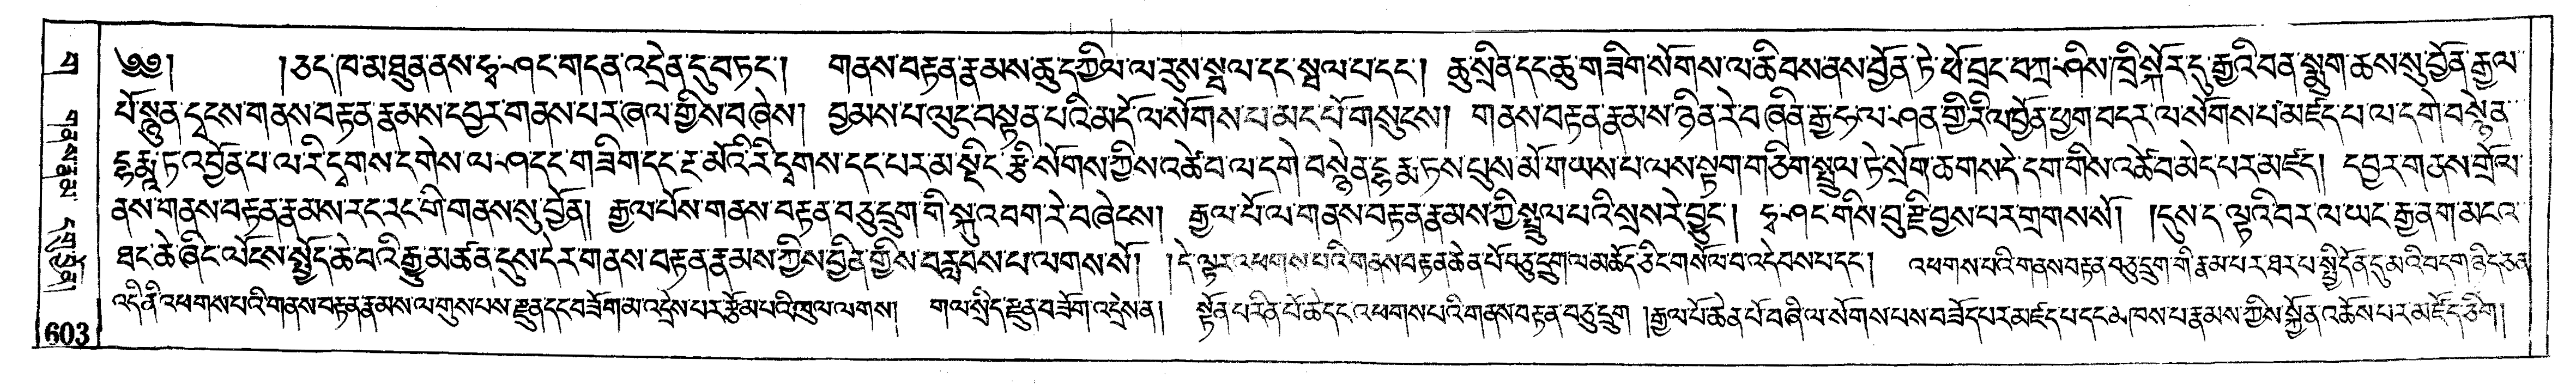༄༅། །ཅད་ཁ་མཐུན་ནས་ཧྭ་ཤང་ག་དན་འདྲེན་དུ་བཏང་། གནས་བརྟན་རྣམས་ཆུ་དཀྱིལ་ལ་རུས་སྤལ་དང་སྦལ་བ་དང་། ཆུ་སྲིན་དང་ཆུ་གཟིག་སོགས་ལ་ཆིབས་ནས་བྱོན་ཏེ་ཕོ་བྲང་བཀྲ་ཤིས་ཁྲི་སྐོར་དུ་རྒྱའི་བན་སྨུག་ཆས་སུ་བྱོན་རྒྱལ་
པོ་སྙན་དྭངས་གནས་བརྟན་རྣམས་དབྱར་གནས་པར་ཞལ་གྱིས་བཞེས། བྱམས་པ་ལུང་བསྟན་པའི་མདོ་ལ་སོགས་པ་མང་པོ་གསུངས། གནས་བརྟན་རྣམས་ཉིན་རེ་བཞིན་རྒྱ་ཧ་ལ་ཤན་གྱི་རིལ་བྱོན་ཕྱག་བདར་ལ་སོགས་བ་མཛད་པ་ལ་དགེ་བསྙེན་
དྷ་རྨཱ་ཏ་འབྱོན་པ་ལ་རི་དྭགས་དགེས་ལ་ཤ་དང་གཟིག་དང་རྔ་མོའི་རི་དྭགས་དང་པར་མ་སྡིང་རྩི་སོགས་ཀྱིས་འཚེ་བ་ལ་དགེ་བསྙེན་དྷ་རྨཱ་ཏས་པུས་མོ་གཡས་བ་ལས་སྟག་གཅིག་སྤྲུལ་ཏེ་སྲོག་ཆགས་དེ་དག་གིས་འཚེ་བ་མེད་པར་མཛད། དབྱར་གནས་གྲོལ་
ནས་གནས་བརྟན་རྣམས་རང་རང་གི་གནས་སུ་བྱོན། རྒྱལ་བོས་གནས་བརྟན་བཅུ་དྲུག་གི་སྐུ་འབག་རེ་བཞེངས། རྒྱལ་པོ་ལ་གནས་བརྟན་རྣམས་ཀྱི་སྤྲུལ་པའི་སྲས་རེ་བྱུང་། ཧྭ་ཤང་གིས་བུ་རྫི་བྱས་པར་གྲགས་སོ། །དུས་ད་ལྟའི་བར་ལ་ཡང་རྒྱ་ནག་མངའ་
ཐང་ཆེ་ཞིང་ལོངས་སྤྱོད་ཆེ་བའི་རྒྱུ་མཚན་དུས་དེར་གནས་བརྟན་རྣམས་ཀྱིས་བྱིན་གྱིས་བརླབས་པ་ལགས་སོ། །དེ་ལྟར་འཕགས་པའི་གནས་བརྟན་ཆེན་པོ་བཅུ་དྲུག་ལ་མཆོད་ཅིང་གསོལ་བ་འདེབས་པ་དང་། འཕགས་པའི་གནས་བརྟན་བཅུ་དྲུག་གི་རྣམ་པར་ཐར་པ་སྤྱི་དོན་དུ་མའི་བདག་ཉིད་ཅན་
འདི་ནི་འཕགས་པའི་གནས་བརྟན་རྣམས་ལ་གུས་པས་རྫུན་དང་བཟོག་མ་འདྲེས་བར་རྩོམ་པའི་ཁུལ་ལགས། གལ་སྲིད་རྫུན་བཟོག་འདྲེས་ན། སྟོན་པ་རིན་པོ་ཆེ་དང་འཕགས་པའི་གནས་བརྟན་བཅུ་དྲུག། །རྒྱལ་པོ་ཆན་པོ་བཞ་ལ་སོགས་པས་བཟོད་པར་མཛད་པ་དང་མཁས་བ་རྣམས་ཀྱིས་སྐྱོན་འཆོས་པར་མཛོད་ཅིག།